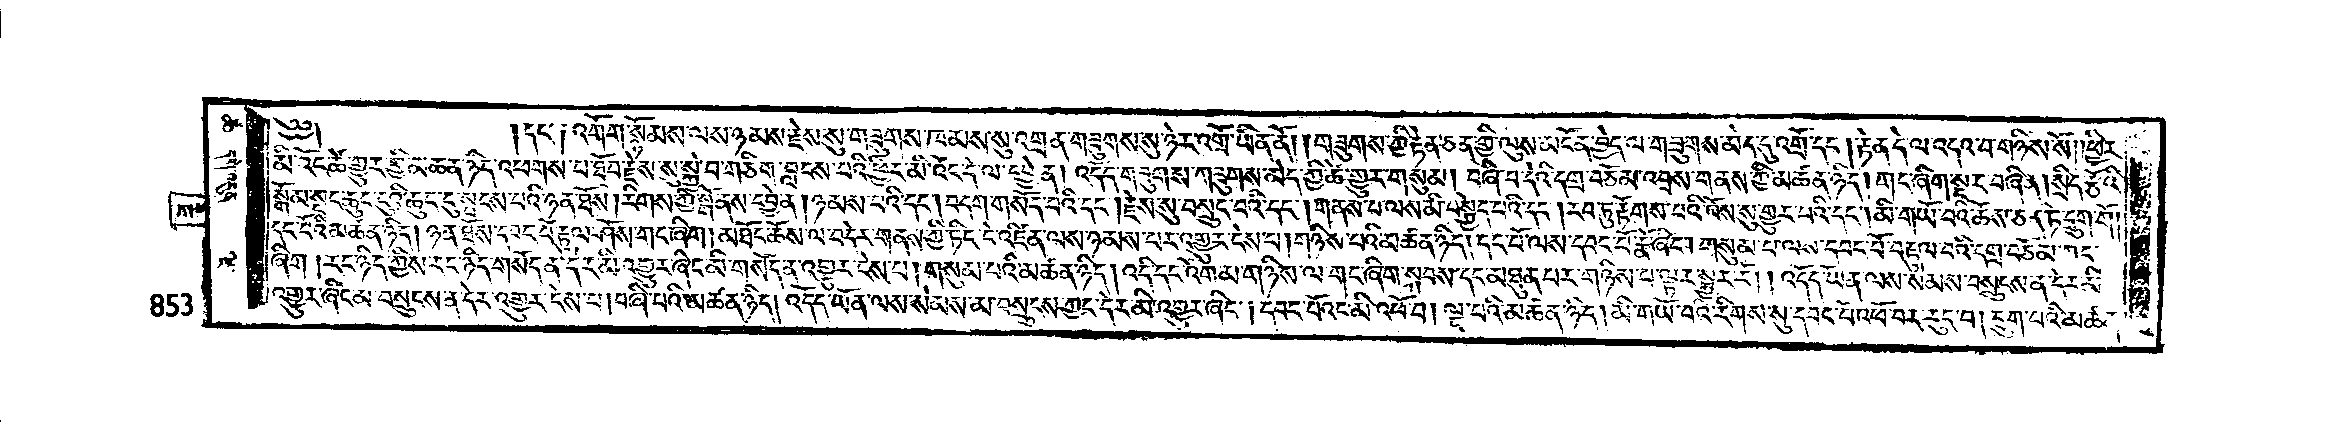༄༅། །དང༑ འགོག་སྙོམས་ལས་ཉམས་རྗེས་སུ་གཟུགས་ཁམས་སུ་འགྲོ་ན་གཟུགས་སུ་ཉེར་འགྲོ་ཡིན་ནོ། །གཟུགས་ཀྱི་རྟེན་ཅན་གྱི་ལུས་མངོན་བྱེད་ལ་གཟུགས་མེད་དུ་འགྲོ་དང་། རྟེན་དེ་ལ་འདའ་བ་གཉིས་སོ། །ཕྱིར་
མི་འོང་ཚེ་གྱུར་གྱི་མཚན་ཉིད་འཕགས་པ་ཐོབ་རྗེས་སུ་སྐྱེ་བ་གཅིག་བླངས་པའི་ཕྱིར་མི་འོང་དེ་ལ་དབྱེ་ན། འདོད་གཟུགས་གཟུགས་མེད་ཀྱི་ཚེ་གྱུར་གསུམ། བཞི་པ་དེའི་དགྲ་བཅོམ་འབྲས་གནས་ཀྱི་མཚན་ཉིད། གང་ཞིག་སྔར་བཞིན། སྲིད་རྩེའི་
སྒོམ་སྤང་ཆུང་ངུའི་ཆུང་ངུ་སྤངས་པའི་ཉན་ཐོས། རིགས་ཀྱི་སྒོ་ནས་དབྱེ་ན། ཉམས་པའི་དང་། བདག་གསོད་པའི་དང་། རྗེས་སུ་བསྲུང་བའི་དང་། གནས་པ་ལས་མི་བསྐྱེད་པའི་དང་། རབ་ཏུ་རྟོགས་པའི་འོས་སུ་གྱུར་པའི་དང་། མི་གཡོ་བའི་ཆོས་ཅན་ཏེ་དྲུག་གོ །
དང་པོའི་མཚན་ཉིད། ཉན་ཐོས་དབང་པོ་རྟུལ་ཤོས་གང་ཞིག །མཐོང་ཆོས་ལ་བདེར་གནས་ཀྱི་ཏིང་ངེ་འཛིན་ལས་ཉམས་པར་འགྱུར་ངེས་པ། གཉིས་པའི་མཚན་ཉིད། དང་པོ་ལས་དབང་པོ་རྣོ་ཞིང་། གསུམ་པ་ལས་དབང་པོ་བརྟུལ་བའི་དགྲ་བཅོམ་གང་
ཞིག །རང་ཉིད་ཀྱིས་རང་ཉིད་གསོད་ན་དེར་མི་འགྱུར་ཞིང་མི་གསོད་ན་འགྱུར་ངེས་པ། གསུམ་པའི་མཚན་ཉིད། འདི་དང་འོག་མ་གཉིས་ལ་གང་ཞིག་སྐབས་དང་མཐུན་པར་གཉིས་པ་ལྟར་སྦྱར་རོ། །འདོད་ཡོན་ལས་སེམས་བསྲུངས་ན་དེར་མི་
འགྱུར་ཞིང་མ་བསྲུངས་ན་དེར་འགྱུར་ངེས་པ། བཞི་པའི་མཚན་ཉིད། འདོད་ཡོན་ལས་སེམས་མ་བསྲུངས་ཀྱང་དེར་མི་འགྱུར་ཞིང་། དབང་པོའང་མི་འཕོ་བ། ལྔ་པའི་མཚན་ཉིད། མི་གཡོ་བའི་རིགས་སུ་དབང་པོ་འཕོ་བར་རུང་བ། དྲུག་པའི་མཚན་